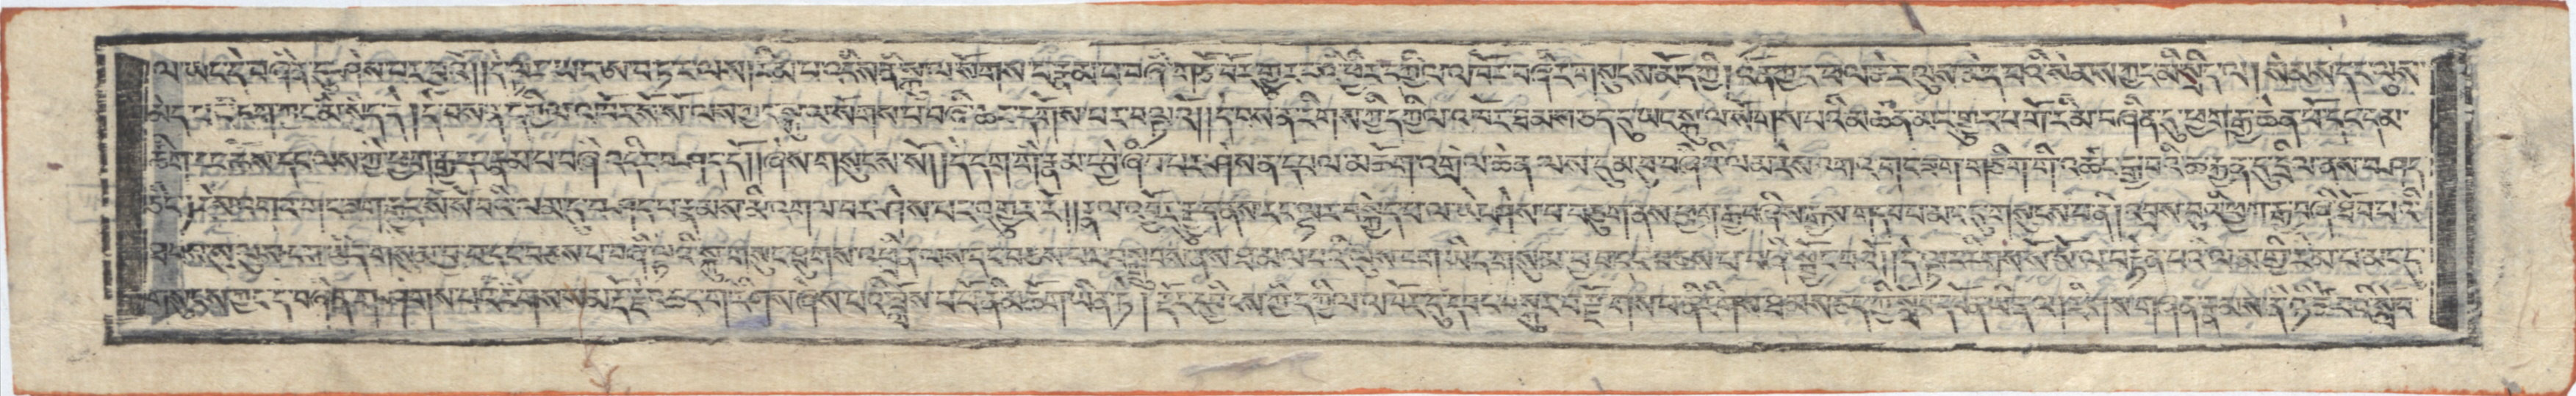ལ་ཡང་དེ་བཞིན་དུ་ཤེས་པར་བྱའོ། །དེ་ལྟར་ཡང་ཨ་བ་ཏ་ར་ལས། རིམ་པ་འདིས་ནི་སྐུ་ལ་སོགས་པ་རྣམ་པ་བཞི་གཙོ་བོར་གྱུར་པའི་ཕྱིར་དཀྱིལ་འཁོར་བཞིར་གསུངས་མོད་ཀྱི། འོན་ཀྱང་ཕལ་ཆེར་ལུས་མེད་པའི་སེམས་ཀྱང་མི་སྲིད་ལ། སེམས་དང་ལུས་
མེད་པའི་དག་ཀྱང་མི་སྲིད་དེ། དེ་བས་ན་དཀྱིལ་འཁོར་སོ་སོ་ལས་ཀྱང་སྐུ་ལ་སོགས་པ་བཞི་ཆར་དགོས་པར་བལྟའོ། །དེ་བས་ན་རིགས་ཀྱི་དཀྱིལ་འཁོར་ཐམས་ཅད་དུ་ཡང་སྐུ་ལ་སོགས་པའི་མཚན་མར་གྱུར་པ་གོ་རིམ་བཞིན་དུ་ཕྱག་རྒྱ་ཆེན་པོ་དང་དམ་
ཚིག་དང་ཆོས་དང་ལས་ཀྱི་ཕྱག་རྒྱ་དང་རྣམ་པ་བཞི་འདིར་བཤད་དོ། །ཞེས་གསུངས་སོ། །དེ་དག་གི་རྣམ་དབྱེ་ཞིབ་པར་ཤེས་ན་དཔལ་མཆོག་འགྲེལ་ཆེན་ལས་དུམ་བུ་བཞིའི་ལམ་རེས་འགའ་གང་ཟག་གཅིག་གི་འཚང་རྒྱ་བའི་ཆ་རྐྱན་དུ་དྲིལ་ནས་བཤད་
ཅིང༑ རེས་འགའ་གང་ཟག་རྒྱུད་སོ་སོ་བའི་ལམ་དུ་བཤད་པ་རྣམས་མི་འགལ་བར་ཤེས་པར་འགྱུར་རོ། །རྣལ་འབྱོར་རྒྱུད་ནས་རང་ལྷར་བསྐྱེད་པ་ལ་ཡེ་ཤེས་པ་བཅུག་ནས་ཕྱག་རྒྱ་བཞིས་རྒྱས་གདབ་པ་མང་དུ་གསུངས་པ་ནི། འབྲས་བུའི་ཕྱག་རྒྱ་བཞི་ཐོབ་པའི་
ཐབས་སུ་ལུས་ངག་ཡིད་གསུམ་བྱ་བ་དང་བཅས་པ་བཞི་ལྷའི་སྐུ་གསུང་ཐུགས་འཕྲིན་ལས་དང་བཅས་པར་བསྒྲུབས་ནས་ཐ་མལ་པའི་ལུས་ངག་ཡིད་གསུམ་བྱ་བ་དང་བཅས་པ་བཞི་སྦྱོང་བའོ། །དེ་ལྟར་རིགས་སོ་སོ་ལ་བརྟེན་པའི་ལམ་གྱི་རིམ་པ་མང་དུ་
གསུངས་ཀྱང་དེ་བཞིན་གཤེགས་པའི་རིགས་སམ་རྡོ་རྗེ་འཆང་གི་རིགས་ཞེས་པའི་ཟློས་པ་པོ་ནི་མཆོག་ཡིན་ཏེ། རྡོར་དབྱིངས་ཀྱི་དཀྱིལ་འཁོར་དུ་དབང་བསྐུར་བ་རྫོགས་པ་ནི་རིགས་ཐམས་ཅད་ཀྱི་སློབ་དཔོན་ཡིན་ལ། རིགས་གཞན་རྣམས་ནི་ཉི་ཚེ་བའི་སློབ་